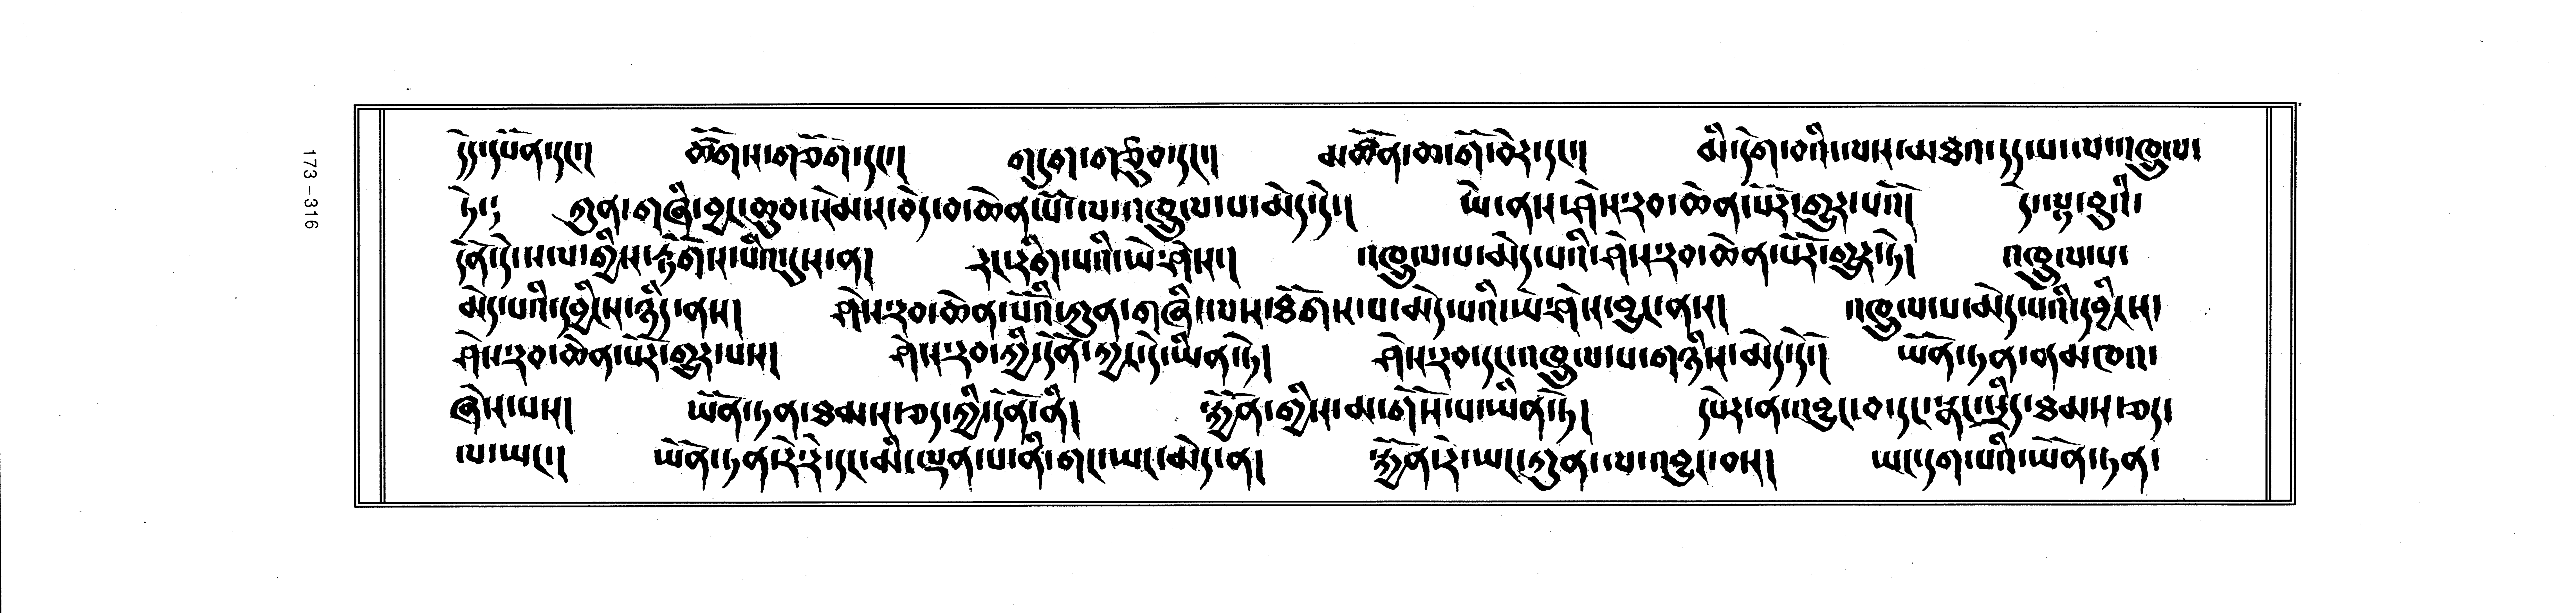དེད་དཔོན་དང་། ཚོགས་གཅོག་དང་། གདུག་རྩུབ་དང་། མཚོན་ཆ་གོ་བེར་དང་། མི་དགེ་བའི་ལས་མཐའ་དད་པ་ལ་འཁྲུལ
་ཏེ། ཀུན་གཞི་བྱང་ཆུབ་ཀྱི་སེམས་བདེ་བ་ཆེན་པོ་ལ་འཁྲུལ་པ་མེད་དེ། ཡེ་ནས་ཤེས་རབ་ཆེན་པོར་གྱུར་པའོ། །དེ་ལྟ་བུའི་
དོན་དེ་སལ་གྱིས་རྟོགས་པའི་དུས་ན། རང་རིག་པའི་ཡེ་ཤེས། འཁྲུལ་པ་མེད་པའི་ཤེས་རབ་ཆེན་པོར་གྱུར་ཏེ། འཁྲུལ་པ་
མེད་པའི་དབྱིངས་ཉིད་ནས། ཤེས་རབ་ཆེན་པོའི་ཀུན་གཞི་ལས་ཐོགས་པ་མེད་པའི་ཡེ་ཤེས་བྱུང་ནས། འཁྲུལ་པ་མེད་པའི་དབྱིངས་
ཤེས་རབ་ཆེན་པོར་གྱུར་པས། ཤེས་རབ་ཀྱི་དོན་ཀྱང་དེ་ཡིན་ཏེ། ཤེས་རབ་དང་འཁྲུལ་པ་གཉིས་མེད་དོ། །ཡོན་ཏན་ནམ་མཁའ་
ཞེས་པས། ཡོན་ཏན་ཐམས་ཅད་ཀྱི་དོན་ནི། སྐྱོན་གྱིས་མ་གོས་པ་ཡིན་ཏེ། དཔེར་ན་འབྱུང་བ་དང་སྣང་སྲིད་ཐམས་ཅད་ལ་ཡང་། ཡོན་ཏན་ཐམས་ཅད་
ཀྱི་དོན་ནི། སྐྱོན་གྱིས་མ་གོས་པ་ཡིན་ཏེ། དཔེར་ན་འབྱུང་བ་དང་སྣང་སྲིད་ཐམས་ཅད་ལ་ཡང་། ཡོན་ཏན་རེ་རེ་དང་མི་ལྡན་པ་ནི་གང་ཡང་མེད་ན། སྐྱོན་རེ་ཡང་ཀུན་ལ་འབྱུང་བས། ཡང་དག་པའི་ཡོན་ཏན་